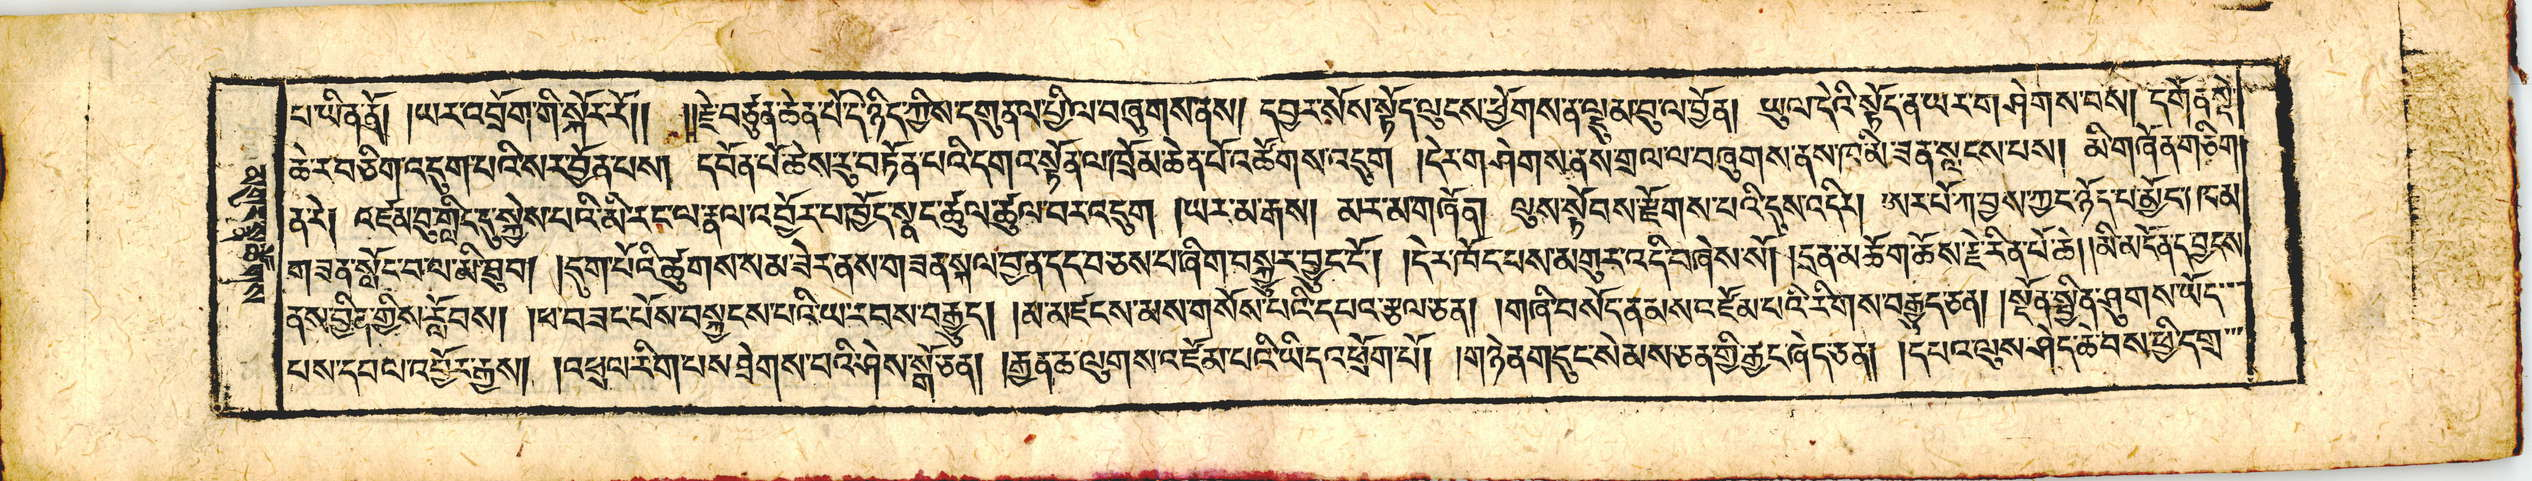པ་ཡིན་ནོ། །ཡར་འབྲོག་གི་སྐོར་རོ།། །།རྗེ་བཙུན་ཆེན་པོ་དེ་ཉིད་ཀྱིས་དགུན་ལ་ཕྱི་ལ་བཞུགས་ནས། དབྱར་སོས་སྟོད་ལུངས་ཕྱོགས་ན་ལྡུམ་བུ་ལ་བྱོན། ཡུལ་དེའི་སྟོད་ན་ཡར་གཤེགས་བས། དགོན་སྡེ་
ཆེ་རབ་ཅིག་འདུག་པའི་སར་བྱོན་པས། དབོན་པོ་ཆེ་ས་རུ་བཏོན་པའི་དགའ་སྟོན་ལ་ཁྲོམ་ཆེན་པོ་འཚོགས་འདུག །དེར་གཤེགས་ནས་གྲལ་ལ་བཞུགས་ནས་ཁ་མི་ཟན་སླངས་པས། མི་གཞོན་གཅིག་
ན་རེ། འཛམ་བུ་གླིང་དུ་སྐྱེས་པའི་མི་རང་ལ་རྣལ་འབྱོར་པ་ཁྱོད་སྣང་ཚུལ་ཚུལ་བར་འདུག །ཡར་མ་རྒས། མར་མ་གཞོན། ལུས་སྟོབས་རྫོགས་པའི་དུས་འདིར། ཨར་པོ་ཀ་བྱས་ཀྱང་ཉོད་པ་མྱོང་། ཁམ
གཟན་སློང་བ་ལ་མི་ཐུབ། །དུག་པོའི་ཚུགས་སམ་ཟེར་ནས་གཟན་སྐལ་བྱན་དང་བཅས་པ་ཞིག་བསྐྱར་བྱུང་ངོ་། །དེར་ཁོང་པས་མགུར་འདི་བཞེས་སོ། །དྲན་མཆོག་ཆོས་རྗེ་རིན་པོ་ཆེ །།མི་མངོན་དབྱིངས་
ནས་བྱིན་གྱིས་རློབས། །ཕ་བཟང་པོས་བསྐྱངས་པའི་ཡ་རབས་བརྒྱུད། །མ་མཛངས་མས་གསོས་པའི་དཔའ་རྩལ་ཅན། །གཞི་བསོད་ནམས་འཛོམ་པའི་རིགས་བརྒྱུད་ཅན། །སྔོན་སྦྱིན་ཤུགས་ཡོད་
པས་དཔལ་འབྱོར་རྒྱས། །འཕྲལ་རིག་པས་ཐེགས་པའི་ཤེས་སྒོ་ཅན། །རྒྱན་ཆ་ལུགས་འཛོམ་པའི་ཡིད་འཕྲོག་པ། །གཉེན་གདུང་སེམས་ཅན་གྱི་ཚང་ཞེད་ཅན། །དཔའ་ལུས་ཤེད་ཆེ་བས་ཕྱི་དགྲ་